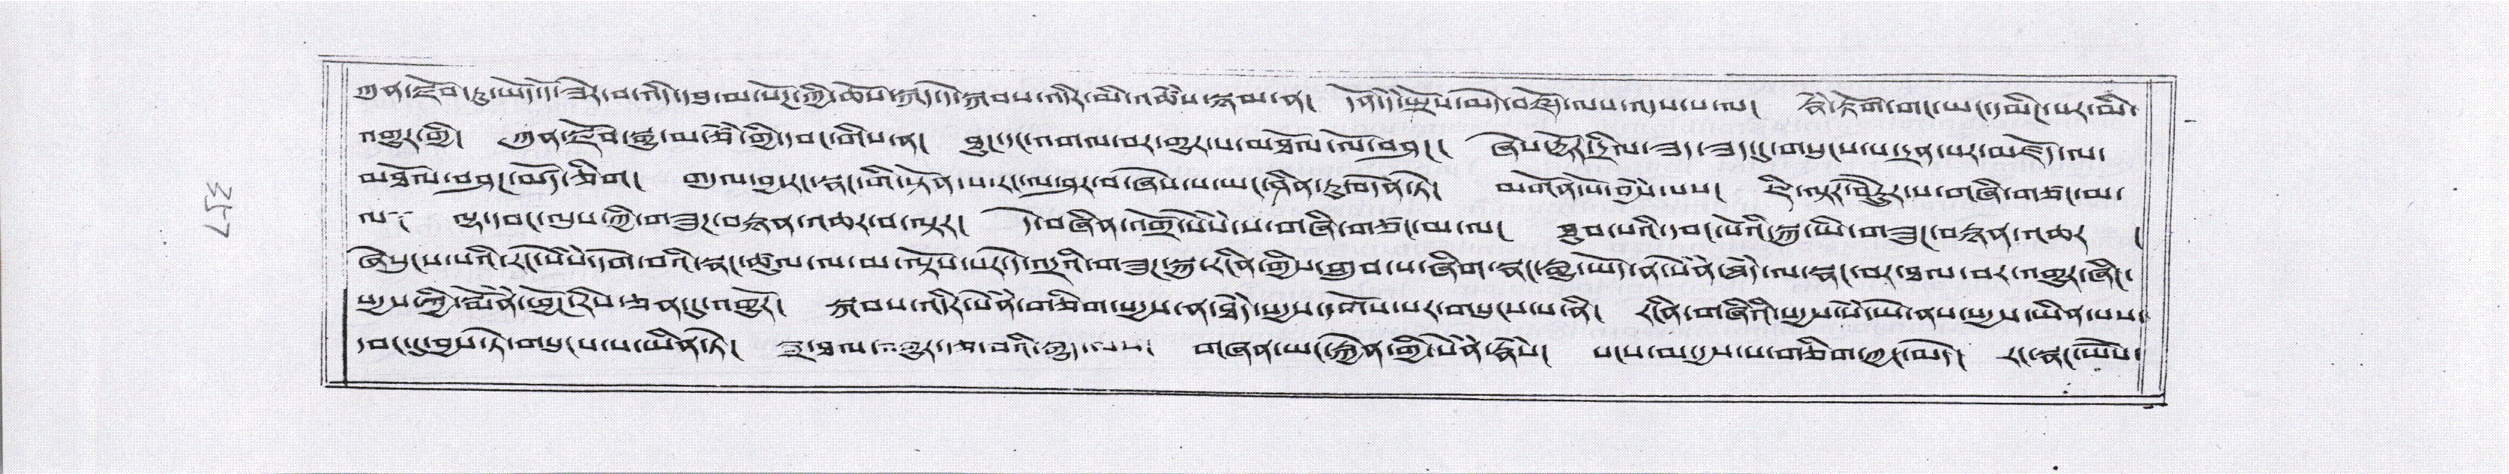ཀུན་རྫོབ་ཏུ་ཡོད་དོ་ཟེར་བ་འདི་དབུ་མ་སོགས་ཀྱི་ཆོས་སྐད་དེ་སྐབས་འདིར་མི་འཚམས་སྙམ་ན། དོན་དམ་སྤྲོས་མེད་བརྗོད་ལས་འདས་པ་ལ། རྣམ་རྟོག་གང་ཡང་དམིགས་པར་མི་
འགྱུར་གྱི། ཀུན་རྫོབ་སྒྱུ་མ་ཙམ་གྱི་དབང་གིས་ན། ཐུགས་དང་འགལ་བར་གྱུར་པ་མཐོལ་ལོ་བཤགས། ཞེས་རྡོལ་དྲིལ་ཟད་ཟད་དུ་གསུངས་པ་དྲན་པར་མཛོད་ལ་
མཐོལ་བཤགས་མཛོད་ཅིག གདུལ་བྱ་རང་སྣང་གི་སྟོན་པ་རང་ལ་ཤར་བ་ཞེས་པ་ཡང་ཤིན་ཏུ་བདེན་ཏེ། མགོན་པོ་བྱམས་པས། ཇི་ལྟར་བཻཌུར་ས་གཞི་གཙང་མ་
ལ། ལྷ་དབང་ལུས་ཀྱི་གཟུགས་བརྙན་འཆར་བ་ལྟར། དེ་བཞིན་འགྲོ་སེམས་ས་གཞི་གཙང་མ་ལ། ཐུབ་པའི་དབང་པོའི་སྐུ་ཡི་གཟུགས་བརྙན་འཆར། 
ཞེས་གསུངས་པའི་རང་སེམས་དགེ་བའི་སྣང་ཚུལ་ལ་མ་ལྟོས་པར་དེ་འདྲའི་གཟུགས་སྐུ་རང་བཞིན་གྱིས་གྲུབ་པ་ཞིག་སྣང་རྒྱུ་ཡོད་ན་སེམས་ཅན་ཐམས་ཅད་ལ་སྣང་བར་ཐལ་བར་འགྱུར་ཞིང་
སངས་རྒྱས་ཀྱི་སྨོན་ལམ་ཕྱོགས་རིས་ཅན་དུ་འགྱུར་རོ། སྐབས་འདིར་སེམས་ཅན་གཅིག་སངས་རྒྱས་ན་ཐམས་ཅད་སངས་རྒྱས་དགོས་པར་གསུངས་པ་ནི། རང་བཞིན་གཞིའི་སངས་རྒྱས་སམ་ཡེ་ནས་སངས་རྒྱས་ཡིན་པས་
དབང་དུ་བྱས་ཏེ་གསུངས་པ་ཡིན་ཏེ། སྒྲ་ཐལ་འགྱུར་རྩ་བའི་རྒྱུད་ལས། གཞན་ཡང་རྐྱེན་གྱི་སེམས་ཅན་རྣམས། སངས་མ་རྒྱས་པ་གཅིག་ཀྱང་མེད། རང་སྣང་ཡེ་ཤེས་